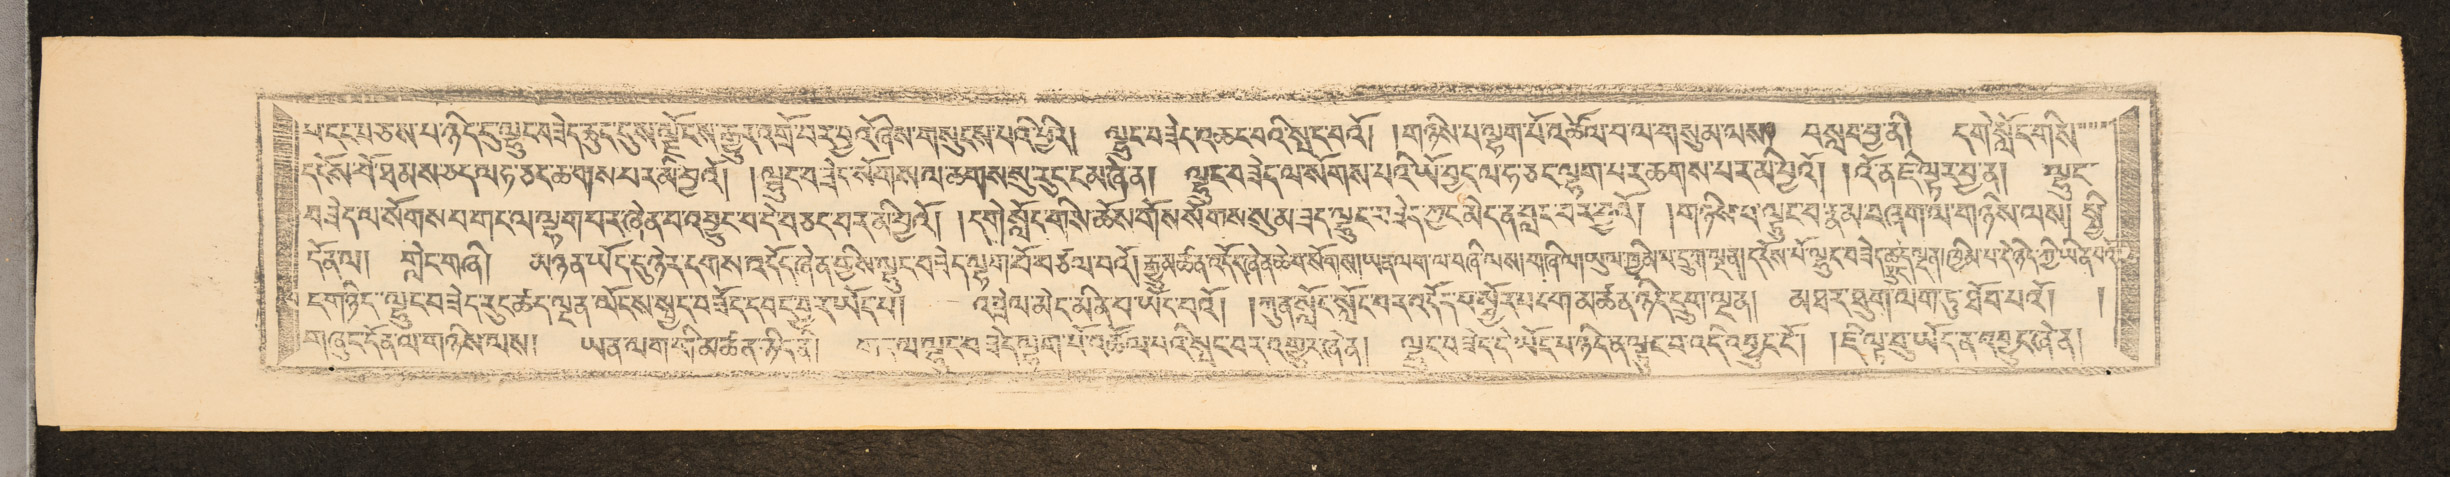པ་དང་བཅས་པ་ཉིད་དུ་ལྷུང་བཟེད་ཆུང་དུས་ལྗོངས་རྒྱུར་འགྲོ་བར་བྱའོ་ཞེས་གསུངས་པའི་ཕྱིར། ལྷུང་བཟེད་འཆང་བའི་སྤང་བའོ། །གཉིས་པ་ལྷག་པོ་འཚོལ་བ་ལ་གསུམ་ལས། བསླབ་བྱ་ནི། དགེ་སློང་གིས་
དངོས་པོ་ཐམས་ཅད་ལ་ཧ་ཅང་ཆགས་པར་མི་བྱའོ། །ལྷུང་བཟེད་སོགས་ལ་ཆགས་སུ་རུང་ངམ་ཞེ་ན། ལྷུང་བཟེད་ལ་སོགས་པའི་ཡོ་བྱད་ལ་ཧ་ཅང་ལྷག་པར་ཆགས་པར་མི་བྱའོ། །འོ་ན་ཇི་ལྟར་བྱ་ན། ལྷུང་
བཟེད་ལ་སོགས་པ་གང་ལ་ལྷག་པར་ཞེན་པ་འབྱུང་བ་དེ་བཅད་བར་མི་བྱའོ། །དགེ་སློང་གིས་ཆོས་གོས་སོགས་སུ་མ་ཟད་ལྷུང་བཟེད་ཀྱང་མེད་ན་བླང་བར་བྱའོ། །གཉིས་པ་ལྟུང་བ་རྣམ་བཞག་ལ་གཉིས་ལས། སྤྱི་
དོན་ལ། གླེང་གཞི། མཉན་ཡོད་དུ་ཉེར་དགས་འདོད་ཞེན་གྱིས་ལྷུང་བཟེད་ལྷག་པོ་བཙལ་བའོ། རྒྱུ་མཚན་འདོད་ཞེན་ཆེ་བ་སོགས། ཡན་ལག་ལ་བཞི་ལས། གཞི་ལ། ཡུལ་ཁྱིམ་པ་དྲུག་ལྡན། དངོས་པོ་ལྷུང་བཟེད་རུང་ཚད་ལྡན། ཁྱིམ་པ་དེ་ཉིད་ཀྱི་ཡིན་པའོ་
བདག་ཉིད་ལྷུང་བཟེད་རུང་ཚད་ལྡན་ལོངས་སྤྱད་བཟོད་དབང་བྱར་ཡོད་པ། འབྲེལ་མེད་མིན་པ་ཡོད་པའོ། །ཀུན་སློང་སློང་བར་འདོད་པ་སྦྱོར་བ་དག་མཚན་ཉིད་དྲུག་ལྡན། མཐར་ཐུག་ལག་ཏུ་ཐོབ་པའོ། །
གཞུང་དོན་ལ་གཉིས་ལས། ཡན་ལག་གི་མཚན་ཉིད་ནི། གང་ལ་ལྷུང་བཟེད་ལྷག་པོ་འཚོལ་བའི་སྤང་བར་འགྱུར་ཞེ་ན། ལྷུང་བཟེད་དེ་ཡོད་པ་ཉིད་ན་ལྟུང་བ་འདི་འབྱུང་ངོ། །ཇི་ལྟ་བུ་ཡོད་ན་འབྱུང་ཞེ་ན་